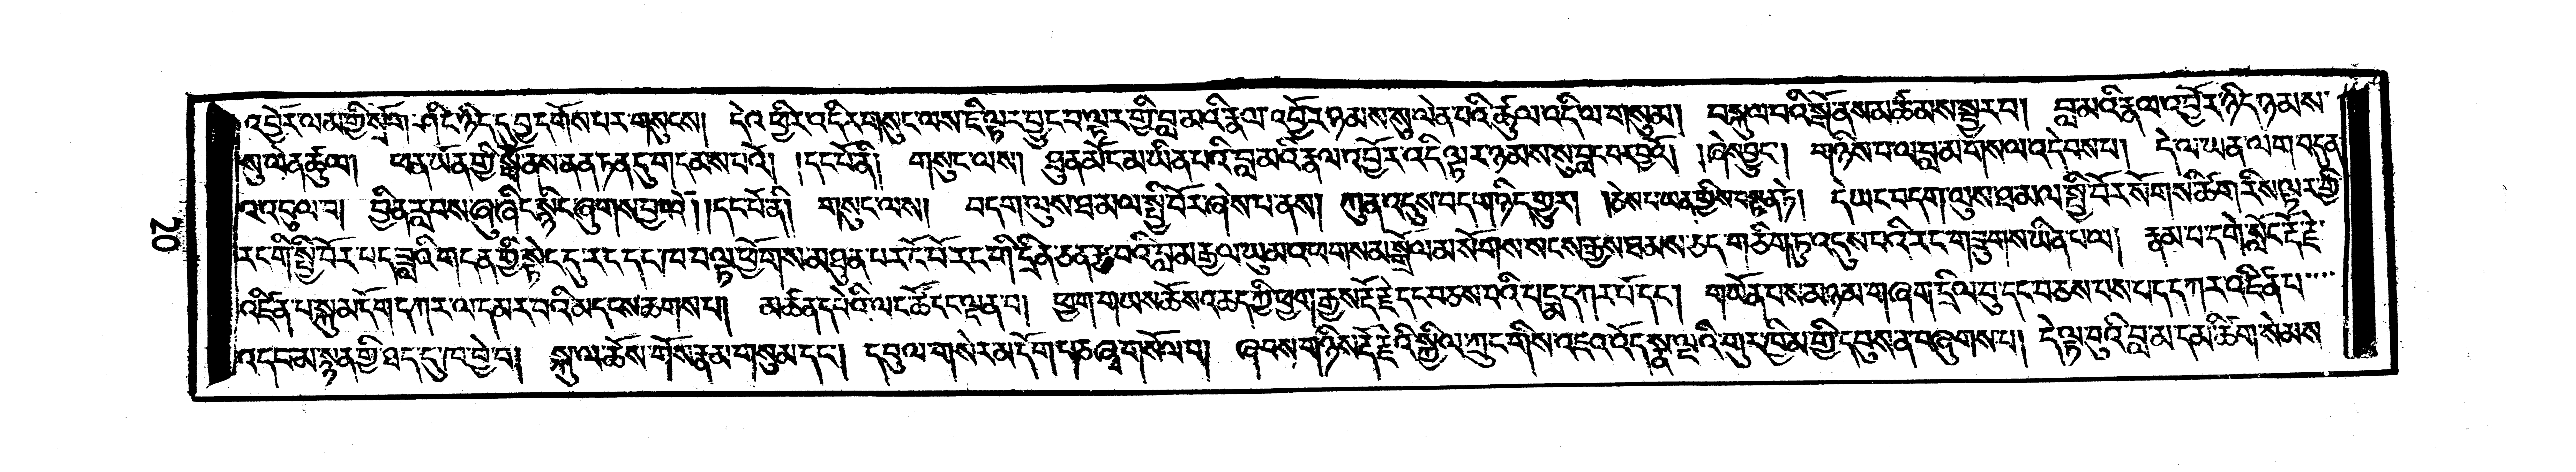འབྱོར་ལམ་གྱི་སྲོག་ཤིང་ཉིད་དུ་བྱ་དགོས་པར་གསུངས། དེའི་ཕྱིར་འདིར་གསུང་ལས་ཇི་ལྟར་བྱུང་བ་ལྟར་གྱི་བླ་མའི་རྣལ་འབྱོར་ཉམས་སུ་ལེན་པའི་ཚུལ་འདི་ལ་གསུམ། བསྐུལ་བའི་སྒོ་ནས་མཚམས་སྦྱར་བ། བླ་མའི་རྣལ་འབྱོར་ཉིད་ཉམས་
སུ་ལེན་ཚུལ། ཕན་ཡོན་གྱི་སྒོ་ནས་ནན་ཏན་དུ་གདམས་པའོ། །དང་པོ་ནི། གསུང་ལས། ཐུན་མོང་མ་ཡིན་པའི་བླ་མའི་རྣལ་འབྱོར་འདི་ལྟར་ཉམས་སུ་བླང་བར་བྱའོ། །ཞེས་བྱུང་། གཉིས་བ་ལ་བླ་མ་གསལ་འདེབས་བ། དེ་ལ་ཡན་ལག་བདུན་
པ་འབུལ་བ། བྱིན་རླབས་ཞུ་ཞིང་སྙིང་ཞུགས་བྱ་བའོ། །དང་པོ་ནི། གསུང་ལས། བདག་ལུས་ཐ་མལ་སྤྱི་བོར་ཞེས་པ་ནས། ཀུན་འདུས་བདག་ཉིད་གྱུར། །ཅེས་པ་ཡན་གྱིས་བསྟན་ཏེ། དེ་ཡང་བདག་ལུས་ཐ་མལ་སྤྱི་བོར་སོགས་ཚིག་རིས་ལྟར་གྱི་
རང་གི་སྤྱི་བོར་པད་ཟླའི་གདན་གྱི་སྟེང་དུ་རང་དང་ཁ་བལྟ་ཕྱོགས་མཐུན་པར་ངོ་བོ་རང་གི་དྲིན་ཅན་རྩ་བའི་བླ་མ་རྒྱལ་ཡུམ་འཕགས་མ་སྒྲོལ་མ་སོགས་སངས་རྒྱས་ཐམས་ཅད་གཅིག་ཏུ་འདུས་པའི་རང་གཟུགས་ཡིན་པ་ལ། རྣམ་པ་དགེ་སློང་རྡོ་རྗེ་
འཛིན་པ་སྐུ་མདོག་དཀར་ལ་དམར་པའི་མདངས་ཆགས་པ། མཚན་དཔེའི་ལང་ཚོ་དང་ལྡན་པ། ཕྱག་གཡས་ཚོས་འཆད་ཀྱི་ཕྱག་རྒྱས་རྡོ་རྗེ་དང་བཅས་པའི་པདམ་དཀར་པོ་དང་། གཡོན་པས་མཉམ་གཞག་དྲིལ་བུ་དང་བཅས་པས་པད་དཀར་འཛིན་པ་
འདབ་མ་སྙན་གྱི་ཐད་དུ་ཁ་ཕྱེ་བ། སྐུ་ལ་ཆོས་གོས་རྣམ་གསུམ་དང་། དབུ་ལ་གསེར་མདོག་པཎ་ཞྭ་གསོལ་བ། ཞབས་གཉིས་རྡོ་རྗེའི་སྐྱིལ་ཀྲུང་གིས་འཇའ་འོད་སྣ་ལྔའི་གུར་ཁྱིམ་གྱི་དབུས་ན་བཞུགས་པ། དེ་ལྟ་བུའི་བླ་མ་དམ་ཚིག་སེམས་